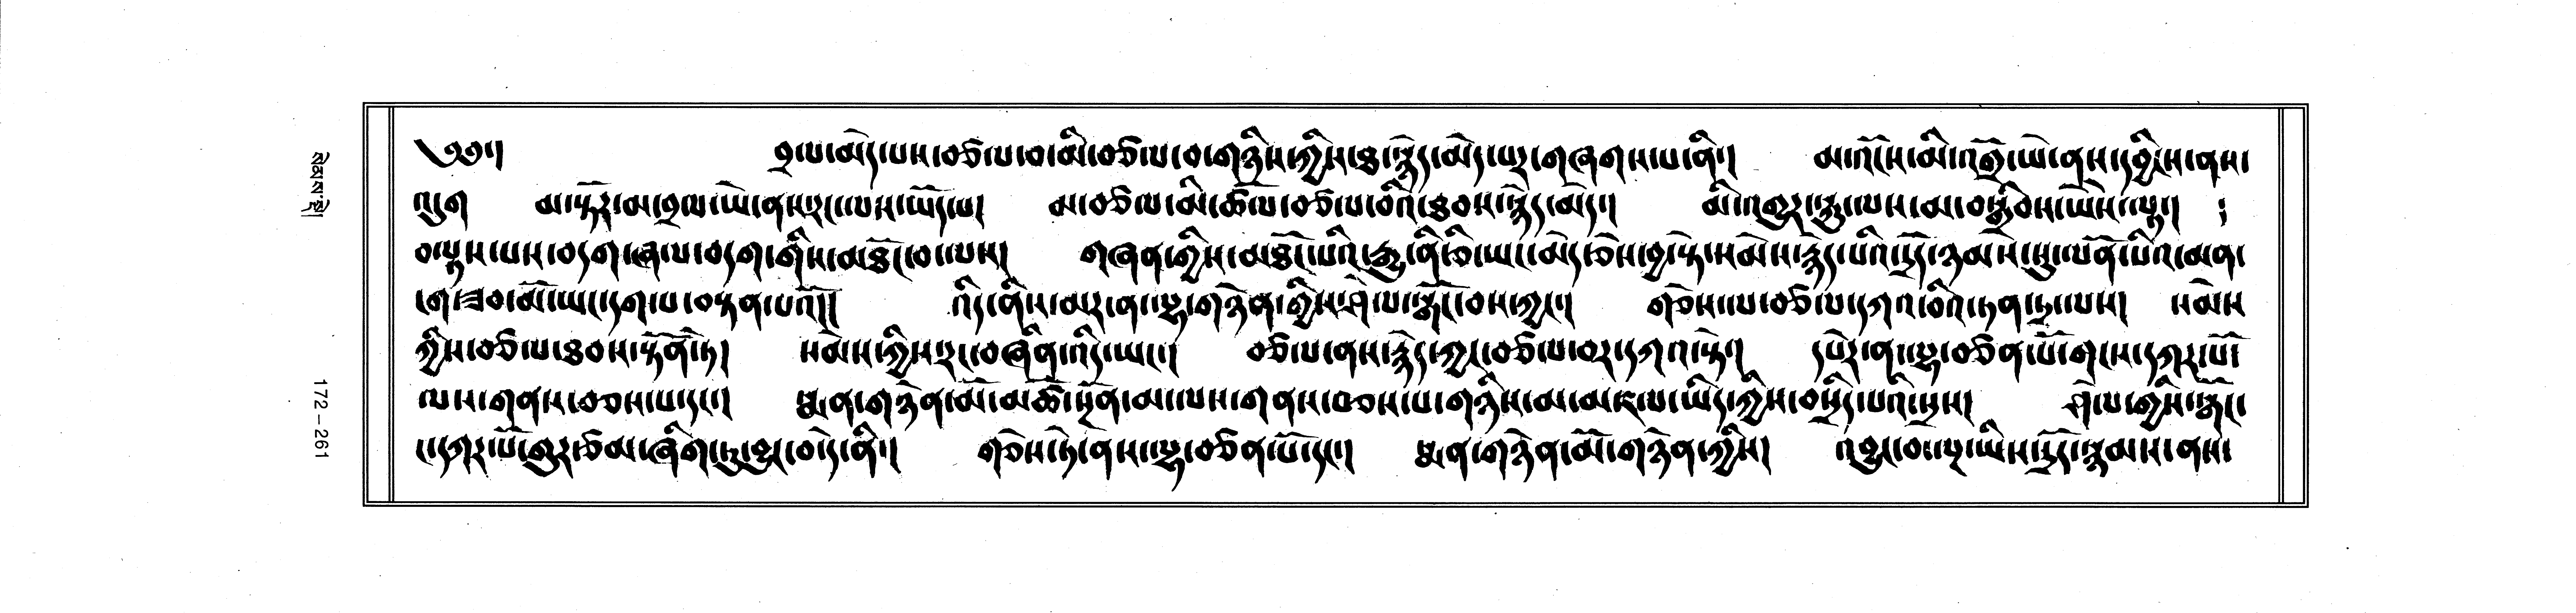བྲལ་མེད་པས་བཙལ་བ་མི་བཙལ་བ་གཉིས་ཀྱིས་ཐ་སྙད་མེད་པར་གཞགས་པ་ནི། མ་འོངས་མི་འགྲོ་ཡེ་ནས་དབྱིངས་ནས་
འདུག མ་སྟོར་མ་བྲལ་ཡེ་ནས་རང་ལས་ཡོད་པ། མ་བཙལ་མི་འཚོལ་བཙལ་བའི་ཐབས་རྙེད་མེད། མི་འགྱུར་སྐུ་ལས་མ་བསྒྲིབས་ཡེ་ཤེས་ལྟ། 
བལྟས་པས་བདག་ཞལ་བདག་གིས་མཐོང་བ་ལས། གཞན་གྱིས་མཐོང་པའི་རྒྱུ་ནི་ཅི་ཡང་མེད་ཅེས་བྱ་སྟེ་སེམས་རྙེད་པའི་དྲོད་ཉམས་སུ་ལོན་པའི་མན་
ངག་ཟབ་མོ་ཡང་དག་པ་བསྟན་པའོ། འདི་ནས་མར་ན་ལྷ་གཉེན་གྱིས་ཤེལ་སྒོང་བས་ཀྱང་། གཅེས་ལ་བཙལ་དཀའ་བའི་ཏན་ཏྲ་ལས། སེམས་
ཀྱིས་བཙལ་ཐབས་སྟོན་ཏེ། སེམས་ཀྱིས་རང་བཞིན་འདི་ཡང་། བཙལ་ནས་རྙེད་ཀྱང་བཙལ་བར་དཀའ་སྟེ། དཔེར་ན་ལྷ་བཙན་པོ་གངས་དཀར་པོ་
ལས་གནས་བཅས་པ་དང་། སྨན་གཉེན་མོ་མཚོ་སྔོན་མོ་ལས་གནས་བཅས་པ་གཉིས་མ་མཇལ་ཡིད་ཀྱིས་བསྲིད་པའི་སྲས། ཤེལ་གྱིས་སྒོང་
ང་དཀར་པོ་གུར་ཙམ་ཞིག་ཏུ་བྱུང་བ་དེ་ནི། གཅེས་ཏེ་ནས་ལྷ་བཙན་པོ་དང་། སྨན་གཉེན་མོ་གཉེན་ཀྱིས། འབྱུང་བ་ལྔ་ཡིས་དྲོད་སྙོམས་ནས་